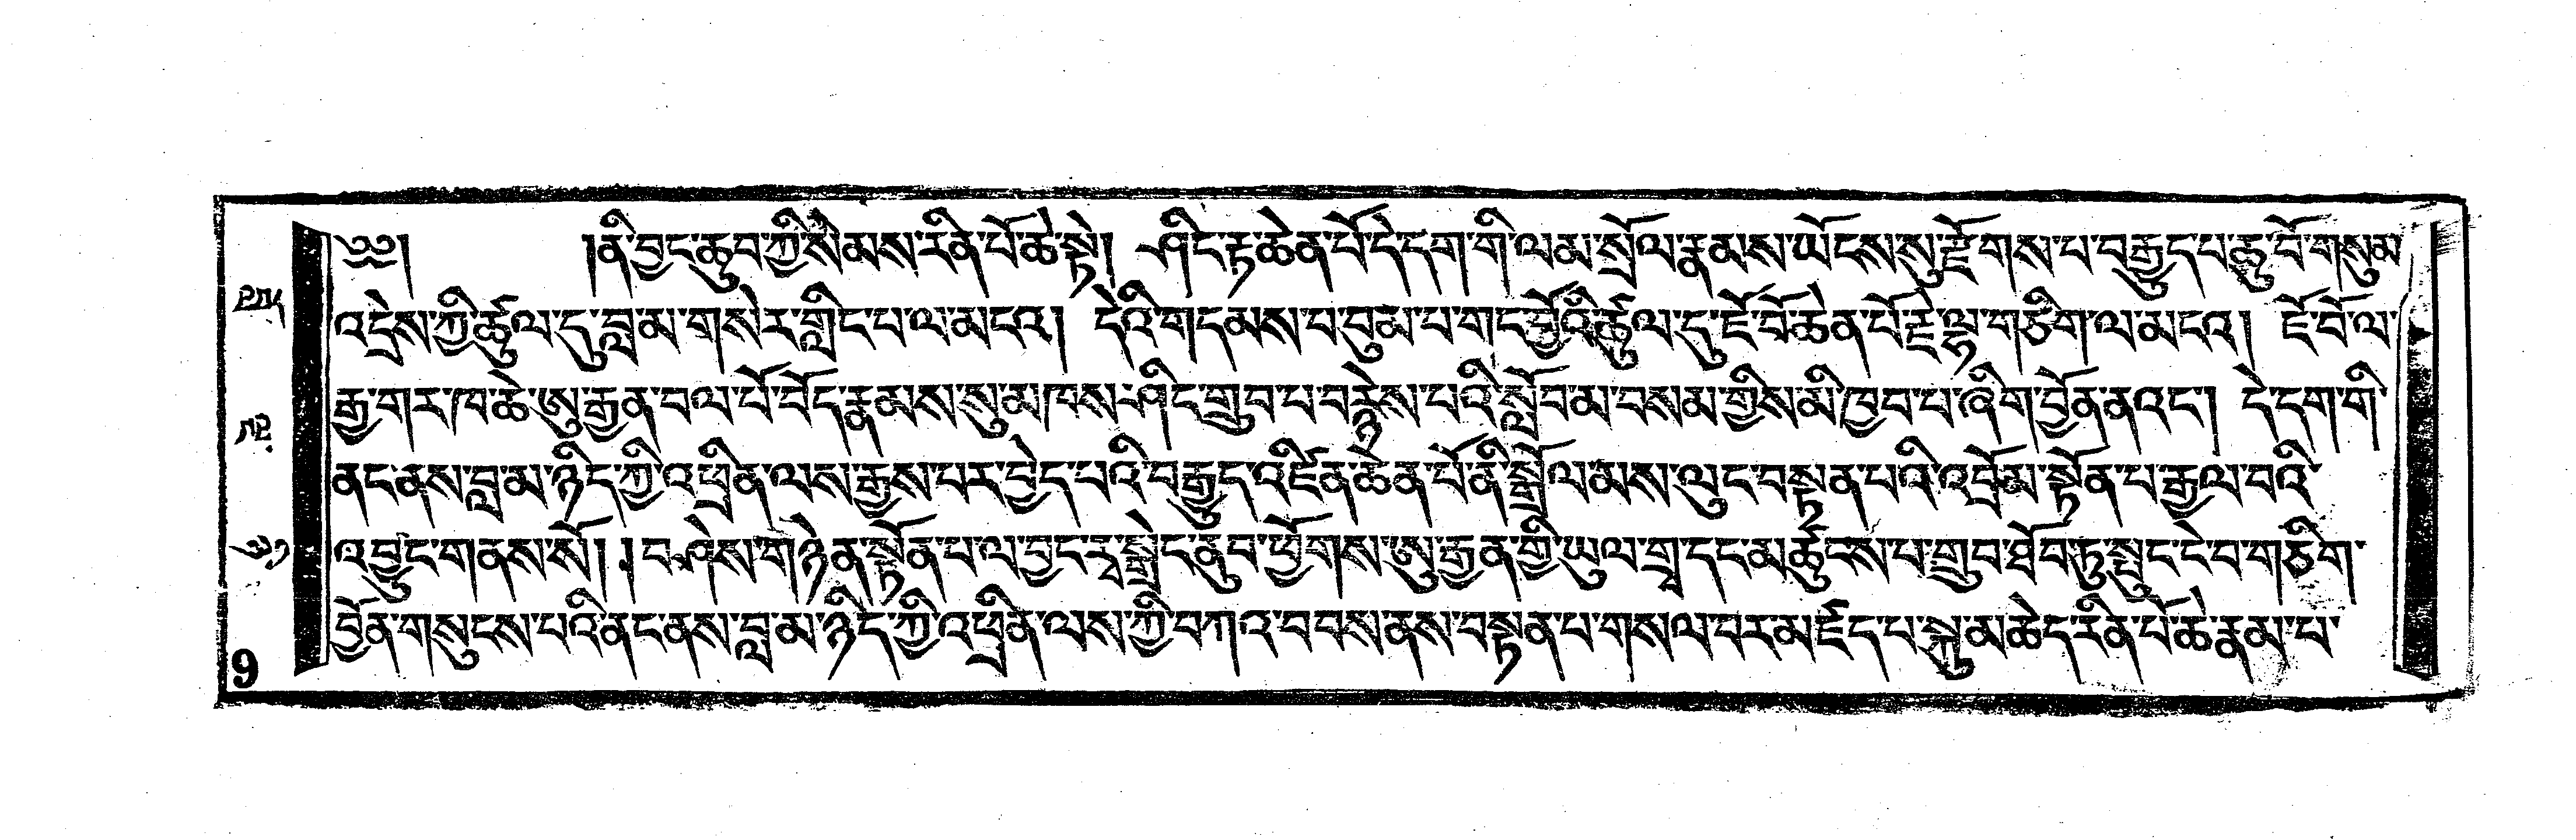༄༅། །ནི་བྱང་ཆུབ་ཀྱི་སེམས་རིན་པོ་ཆེ་སྟེ། ཤིང་རྟ་ཆེན་པོ་དེ་དག་གི་ལམ་སྲོལ་རྣམས་ཡོངས་སུ་རྫོགས་པ་བརྒྱུད་པ་ཆུ་བོ་གསུམ་
འདྲེས་ཀྱི་ཚུལ་དུ་བླ་མ་གསེར་གླིང་པ་ལ་མངའ། དེའི་གདམས་པ་བུམ་པ་གང་བྱོའི་ཚུལ་དུ་ཇོ་བོ་ཆེན་པོ་རྗེ་ལྷ་གཅིག་ལ་མངའ། ཇོ་བོ་ལ་
རྒྱ་གར་ཁ་ཆེ་ཨུ་རྒྱན་བལ་པོ་བོད་རྣམས་སུ་མཁས་ཤིང་གྲུབ་པ་བརྙེས་པའི་སློབ་མ་བསམ་གྱིས་མི་ཁྱབ་པ་ཞིག་བྱོན་ནའང་། དེ་དག་གི་
ནང་ནས་བླ་མ་ཉིད་ཀྱི་འཕྲིན་ལས་རྒྱས་པར་བྱེད་པའི་བརྒྱུད་འཛིན་ཆེན་པོ་ནི་སྒྲོལ་མས་ལུང་བསྟན་པའི་འབྲོམ་སྟོན་པ་རྒྱལ་བའི་
འབྱུང་གནས་སོ། །བཤེས་གཉེན་སྟོན་པ་ལ་བྱང་རྭ་སྒྲེང་ནུབ་ཕྱོགས་ཨུ་རྒྱན་གྱི་ཡུལ་གྲྭ་དང་མཚུངས་པ་གྲུབ་ཐོབ་ཏུ་སྤུང་ངེ་བ་གཅིག་
བྱོན་གསུངས་པའི་ནང་ནས་བླ་མ་ཉིད་ཀྱི་འཕྲིན་ལས་ཀྱི་བཀའ་བབས་ནས་བསྟན་པ་གསལ་བར་མཛད་པ་སྐུ་མཆེད་རིན་པོ་ཆེ་རྣམ་པ་